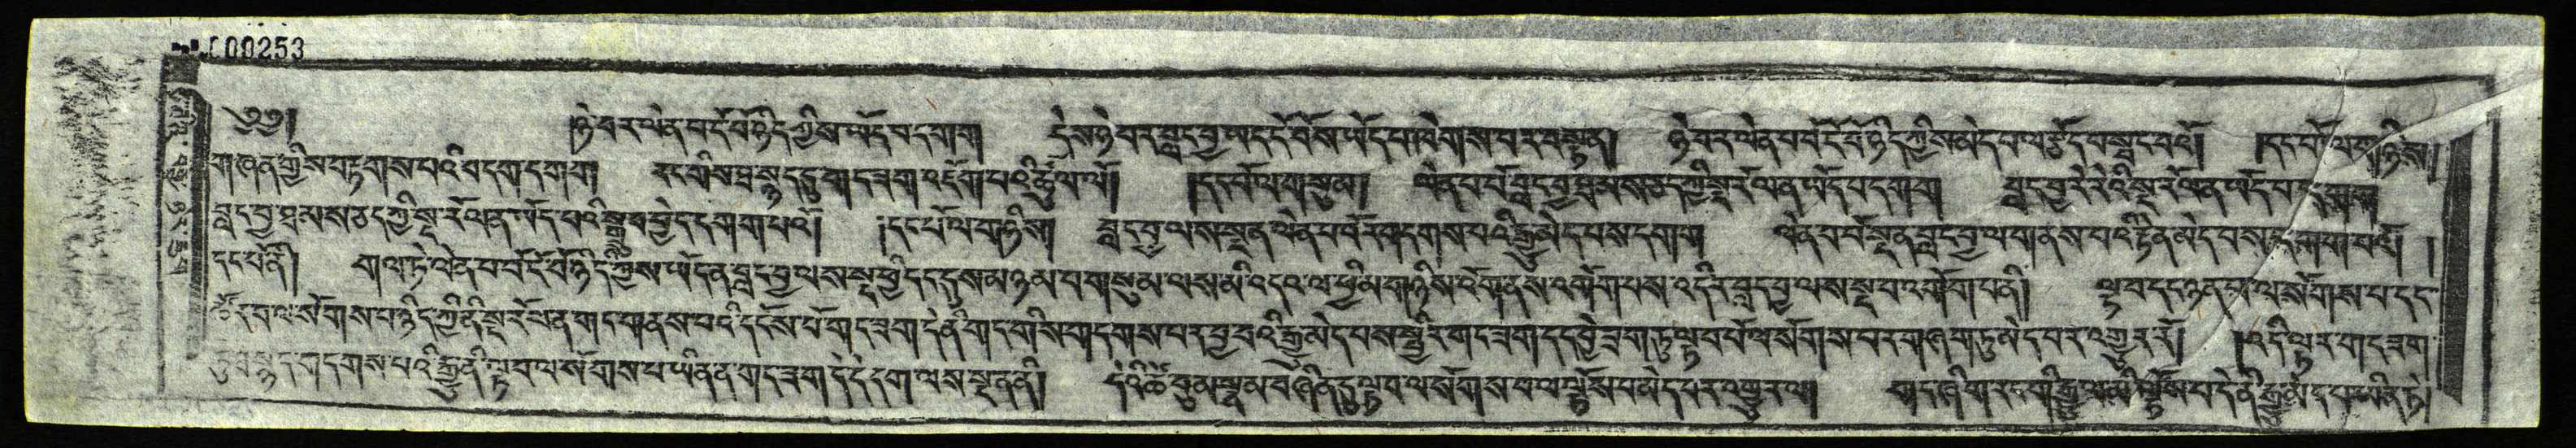༄༅། །ཉེ་བར་ལེན་པ་ངོ་བོ་ཉིད་ཀྱིས་ཡོད་པ་དགག་དེས་ཉེ་བར་བླང་བྱ་ཡང་ངོ་བོས་ཡོད་པ་ཁེགས་པར་བསྟན། ཉེ་བར་ལེན་པ་བོ་ངོ་བོ་ཉིད་ཀྱིས་མེད་པ་ལ་རྩོད་པ་སྤང་བའོ། །དང་པོ་ལ་གཉིས།
གཞན་གྱིས་བརྟགས་པའི་བདག་དགག་རང་གིས་ཐ་སྙད་དུ་གང་ཟག་འཇོག་པའི་ཚུལ་ལོ། །དང་པོ་ལ་གསུམ། ལེན་པ་པོ་བླང་བྱ་ཐམས་ཅད་ཀྱི་སྔ་རོལ་ན་ཡོད་པ་དགག་བླང་བྱ་རེ་རེའི་སྔ་རོལ་ན་ཡོད་པ་དགག་
བླང་བྱ་ཐམས་ཅད་ཀྱི་སྔ་རོལ་ན་ཡོད་པའི་སྒྲུབ་བྱེད་དགག་པའོ། །དང་པོ་ལ་གཉིས། བླང་བྱ་ལས་སྔན་ལེན་པ་བོར་གདགས་པའི་རྒྱུ་མེད་པས་དགག་ལེན་པ་པོ་སྔན་བླང་བྱ་ལ་གནས་པའི་རྟེན་མེད་པས་དགག་པའོ། །
དང་པོ་ནི། གལ་ཏེ་ལེན་པ་པོ་ངོ་བོ་ཉིད་ཀྱིས་ཡོད་ན་བླང་བྱ་ལས་སྔ་ཕྱི་དང་དུས་མཉམ་པ་གསུམ་ལས་མི་འདའ་ལ་ཕྱི་མ་གཉིས་འོག་ནས་འགོག་པས་འདིར་བླང་བྱ་ལས་སྔ་བ་འགོག་པ་ནི། ལྟ་བ་དང་ཉན་པ་ལ་སོགས་པ་དང་
ཚོར་བ་ལ་སོགས་པ་ཉིད་ཀྱི་ནི་སྔ་རོལ་ན་གང་གནས་པའི་དངོས་པོ་གང་ཟག་དེ་ནི་གང་གིས་གདགས་པར་བྱ་བའི་རྒྱུ་མེད་པས་སྤྱིར་གང་ཟག་དང་བྱེ་བྲག་ཏུ་ལྟ་བ་པོ་ལ་སོགས་པར་གཞག་ཏུ་མེད་པར་འགྱུར་རོ། །འདི་ལྟར་གང་ཟག་
ཏུ་ཐ་སྙད་གདགས་པའི་རྒྱུ་ནི་ལྟ་བ་ལ་སོགས་པ་ཡིན་ན་གང་ཟག་དེ་དེ་དག་ལས་སྔ་ན་ནི། དེའི་ཚེ་བུམ་སྣམ་བཞིན་དུ་ལྟ་བ་ལ་སོགས་པ་ལ་ལྟོས་པ་མེད་པར་འགྱུར་ལ། གང་ཞིག་རང་གི་རྒྱུ་ལ་མི་ལྟོས་པ་དེ་ནི་རྒྱུ་མེད་པ་ཡིན་ཏེ།